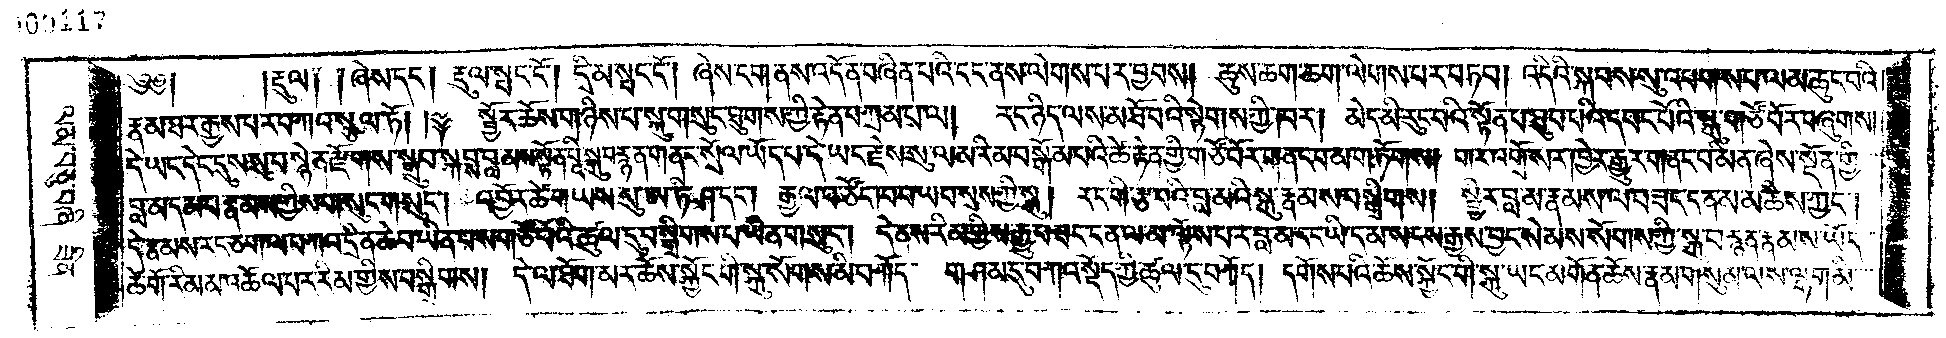༄༅། །རྡུལ༑ ༑ཞེས་དང་། རྡུལ་སྤང་ངོ། དྲི་མ་སྤང་ངོ། ཞེས་ངག་ནས་འདོན་བཞིན་པའི་ངང་ནས་ལེགས་པར་བྱ་བས། ཆུས་ཆག་ཆག་ལེགས་པར་བཏབ། འདིའི་སྐབས་སུ་འཕགས་པ་ལམ་ཆུང་བའི་
རྣམ་ཐར་རྒྱས་པར་བཀའ་སྩལ་ཏོ།། ༈ སྦྱོར་ཆོས་གཉིས་པ་སྐུ་གསུང་ཐུགས་ཀྱི་རྟེན་བཀྲམ་པ་ལ། རང་ཉིད་ལས་མཐོ་བའི་སྟེགས་ཀྱི་ཁར། མེད་མི་རུང་བའི་སྟོན་པ་ཐུབ་པའི་དབང་པོའི་སྐུ་གཙོ་བོར་བཞུགས།
དེ་ཡང་དེང་དུས་སུ་བསྙེན་རྫོགས་སྒྲུབ་སྐབས་བླ་མས་སྟོན་པའི་སྐུ་བརྙན་གནང་སྲོལ་ཡོད་པ་དེ་ཡང་རྗེས་སུ་ལམ་རིམ་བསྒོམ་པའི་ཚེ་རྟེན་གྱི་གཙོ་བོར་གནང་བ་མ་གཏོགས། གར་འགྲོ་སར་ཁྱེར་རྒྱུར་གནང་བ་མིན་ཞེས་སྔོན་གྱི་
བླ་མ་དམ་པ་རྣམས་ཀྱིས་གསུང་གསུང་། འབྱོར་ཚེ་གཡས་སུ་ཨ་ཏི་ཤ་དང་། རྒྱལ་བ་ཙོང་ཁ་པ་ཡབ་སྲས་ཀྱི་སྐུ། རང་གི་རྩ་བའི་བླ་མའི་སྐུ་རྣམས་བསྒྲིགས། སྤྱིར་བླ་མ་རྣམས་ལ་བཟང་ངན་མ་མཆིས་ཀྱང་།
དེ་རྣམས་རང་ཅག་ལ་བཀའ་དྲིན་ཆེ་བ་ཡིན་པས་གཙོ་བོའི་ཚུལ་དུ་བསྒྲིགས་པ་ཡིན་གསུང་། དེ་ནས་རིམ་གྱིས་རྒྱུ་བཟང་ངན་ལ་མ་ལྟོས་པར་བླ་མ་དང་ཡི་དམ་སངས་རྒྱས་བྱང་སེམས་སོགས་ཀྱི་སྐུ་བརྙན་རྣམས་ཡོད་
ཚེ་གོ་རིམ་མ་འཆོལ་བར་རིམ་གྱིས་བསྒྲིགས། དེ་ལ་ཐོག་མར་ཆོས་སྐྱོང་གི་སྐུ་སོགས་མི་བཀོད་གཤམ་དུ་བཀའ་སྡོད་ཀྱི་ཚུལ་དུ་བཀོད། དགོས་པའི་ཆོས་སྐྱོང་གི་སྐུ་ཡང་མགོན་ཆོས་རྣམ་གསུམ་ལས་ལྷག་མི་